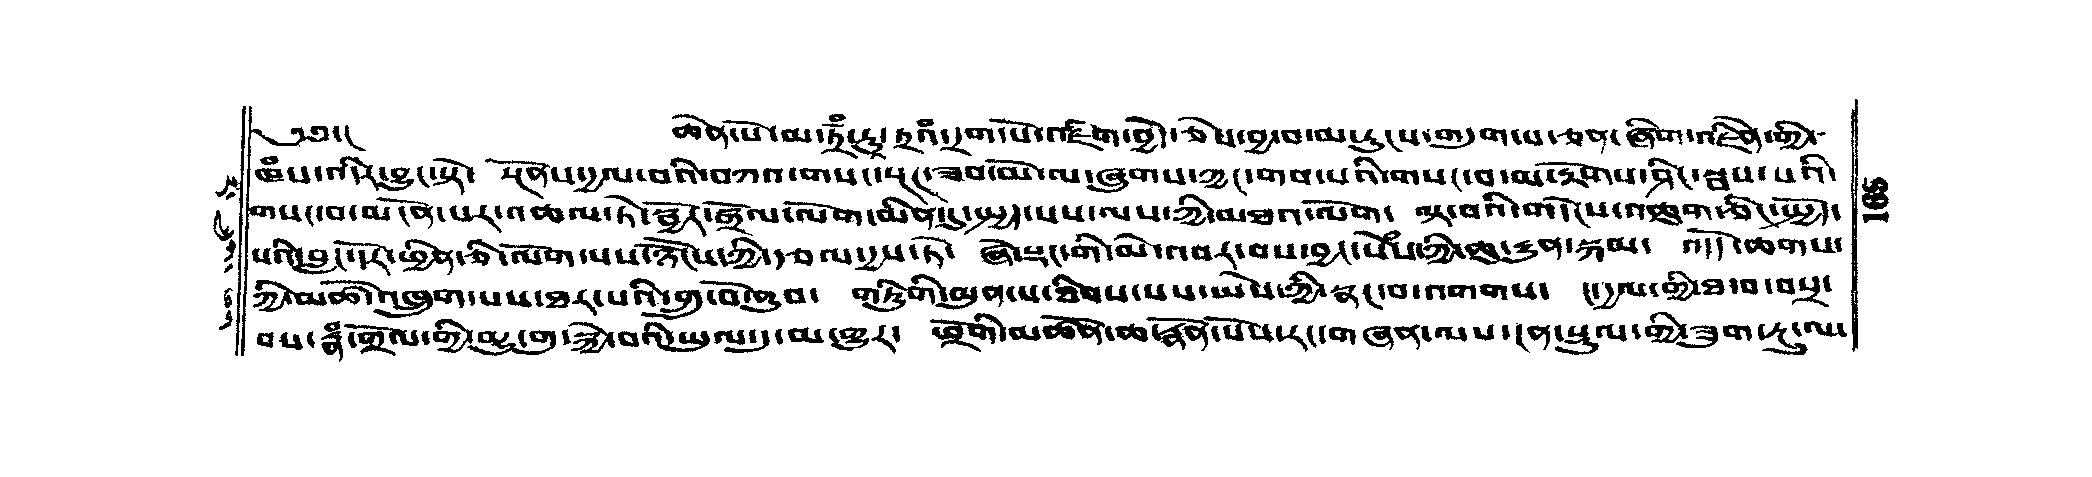ཆེན་པོ་མ་ཏྲྃ་རཱུ་ཏྲའཾ་དྲག་པོ་འཇིག་བྱེད་ཅེས་བྱ་བ་མ་རུངས་གདུག་པ་ཅན་ཞིག་འཇིག་རྟེན་གྱི་
ཁམས་འདིར་བྱུང་སྟེ། སྔོན་ནས་རྒྱལ་བའི་བཀའ་གསང་སྔགས་ཟབ་མོ་ལ་ཞུགས་ཀྱང་གབ་པའི་གསང་བ་མ་རྟོགས་ཤིང་སྦས་པའི་
གསང་བ་མངོན་པར་འཆལ་ཏེ་སྦྱོར་སྒྲོལ་ལོག་མིན་དུ་སྤྱད་པས་ལས་ཀྱི་མཐའ་ལོག ལྟར་བའི་གདོངས་འཆུག་ཅིང་སྤྱོད་
པའི་བླང་དོར་ཕྱིན་ཅི་ལོགས་པ་ཉོན་མོངས་ཀྱི་རྩལ་རྒྱས་ཏེ། ཞེ་སྡང་གི་མེ་འབར་བས་བྱང་སེམས་ཀྱི་ཆུ་རྒྱུན་སྐམ། འདོད་ཆགས་
ཀྱི་མཚོ་འཁྲུག་པས་ཐར་པའི་གྲུ་བོ་ནུབ། གཏི་མུག་གི་མུན་པ་ཐིབས་པས་ཡེས་ཀྱི་སྣང་བ་འགགས། ང་རྒྱལ་གྱི་ཐ་བ་བསྲ་
བས་རྣམ་གྲོལ་གྱི་མྱུ་གུ་སྐྱེ་བའི་ཡུལ་དུ་གྱུར། ཕྲོག་གི་མཚོན་ཆ་རྣོན་པོས་རང་གཞན་ལས་ངན་སྡུག་བསྔལ་གྱི་ཟུག་རྔུ་ལ་